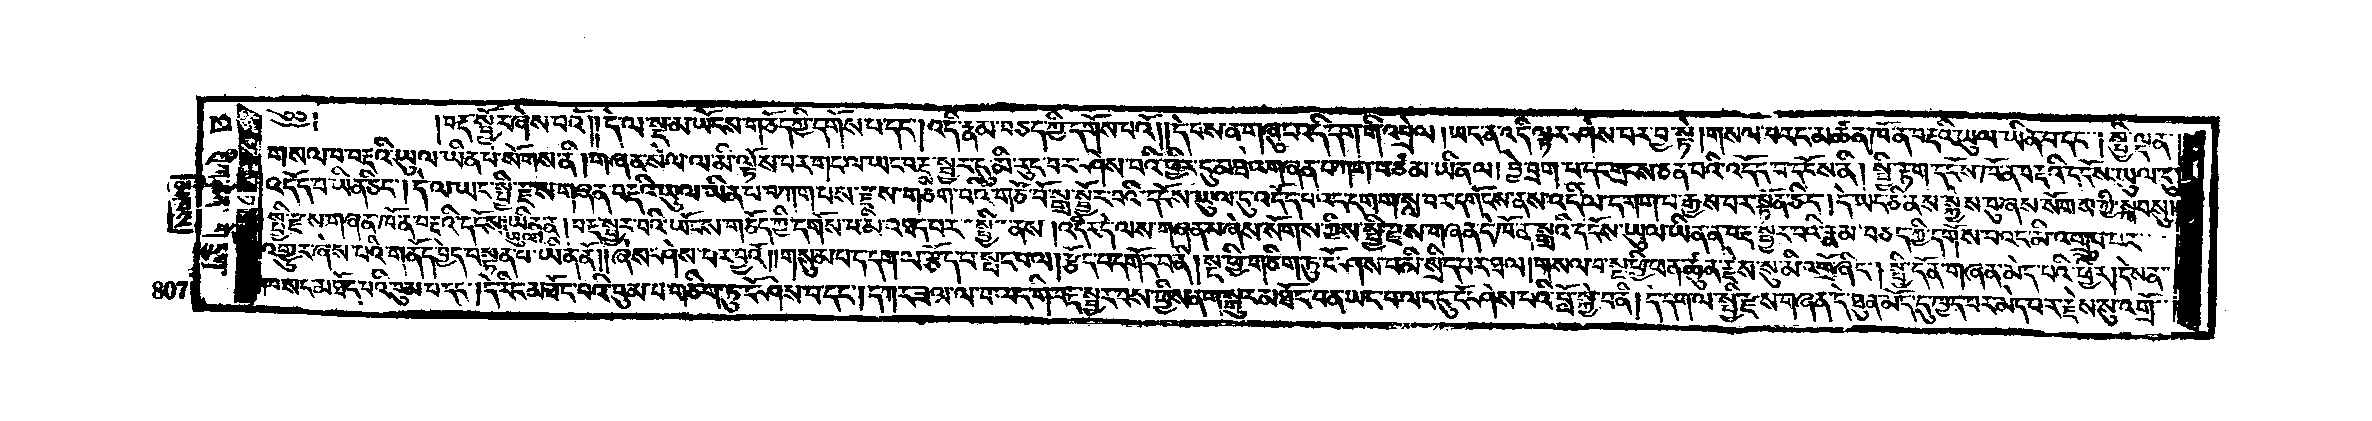༄༅། །བརྡ་སྦྱོར་ཞེས་པའོ། །དེ་ལ་སྔ་མ་ཡོངས་གཅོད་ཀྱི་དགོས་པ་དང་། འདི་རྣམ་བཅད་ཀྱི་དགོས་པའོ། །དེ་བས་ན་གཞུང་འདི་དག་གི་འབྲེལ། ཡང་ན་འདི་ལྟར་ཤེས་པར་བྱ་སྟེ། གསལ་བ་རང་མཚན་ཁོ་ན་བརྡའི་ཡུལ་ཡིན་པ་དང་། སྤྱི་ལྡན་
གསལ་བ་བརྡའི་ཡུལ་ཡིན་པ་སོགས་ནི། གཞན་སེལ་ལ་མི་ལྟོས་པར་གང་ལ་ཡང་བརྡ་སྦྱར་དུ་མི་རུང་པར་ཤེས་པའི་ཕྱིར་དུ་མཐའ་གཞན་བཀག་པ་ཙམ་ཡིན་ལ། བྱེ་བྲག་པ་དང་གྲངས་ཅན་པའི་འདོད་པ་དངོས་ནི། སྤྱི་རྟག་དངོས་ཁོ་ན་བརྡའི་དངོས་ཡུལ་དུ་
འདོད་པ་ཡིན་ཅིང་། དེ་ལ་ཡང་སྤྱི་རྫས་གཞན་བརྡའི་ཡུལ་ཡིན་པ་བཀག་པས་རྫས་གཅིག་པའི་གཙོ་བོ་སྒྲ་སྦྱོར་བའི་དངོས་ཡུལ་དུ་འདོད་པའང་དགག་སླ་བར་དགོངས་ནས་འདི་ལ་དགག་པ་རྒྱས་པར་སྟོན་ཅིང་། དེ་ཡང་ཅི་ནས་སྐྱེས་བུ་ཞས་སོགས་ཀྱི་སྐབས་སུ།
སྤྱི་རྫས་གཞན་ཁོ་ན་བརྡའི་དངོས་ཡུལ་ཡིན་ན། བརྡ་སྦྱར་བའི་ཡོངས་གཅོད་ཀྱི་དགོས་པ་མི་འཐད་པར་སྤྱི་ནས། འདིར་དེ་ལས་གཞན་པ་ཞེས་སོགས་ཀྱིས་སྤྱི་རྫས་གཞན་དེ་ཁོ་ན་སྒྲའི་དངོས་ཡུལ་ཡིན་ན་བརྡ་སྦྱར་བའི་རྣམ་བཅད་ཀྱི་དགོས་པའང་མི་འགྲུབ་པར་
འགྱུར་ཞེས་པའི་གནོད་བྱེད་བསྟན་པ་ཡིན་ནོ། །ཞེས་ཤེས་པར་བྱའོ། །གསུམ་པ་དེ་དག་ལ་རྩོད་པ་སྤང་པ་ལ། རྩོད་པ་དགོད་པ་ནི། སྔ་ཕྱི་གཅིག་ཏུ་ངོ་ཤས་པ་མི་སྲིད་པར་ཐལ། གསལ་བ་སྔ་ཕྱི་ཕན་ཚུན་རྗེས་སུ་མི་འགྲོ་ཞིང་། སྤྱི་དོན་གཞན་མེད་པའི་ཕྱིར། དེས་ན་ཁ་སང་མཐོང་བའི་བུམ་པ་དང་། དེ་རིང་མཐོང་བའི་བུམ་པ་གཅིག་ཏུ་ངོ་ཤེས་པ་དང་། དཀར་ཟལ་ལ་བ་ལང་གི་བརྡ་སྦྱར་བས་ཕྱིས་ནག་སྒུར་མཐོང་བ་ན་ཡང་པ་ལང་དུ་ངོ་ཤེས་པའི་བློ་སྐྱེ་བ་ནི། དེ་དག་ལ་སྤྱི་རྫས་གཞན་དེ་ཐུན་མོད་དུ་ཁྱད་པར་མེད་པར་རྗེས་སུ་འགྲོ་